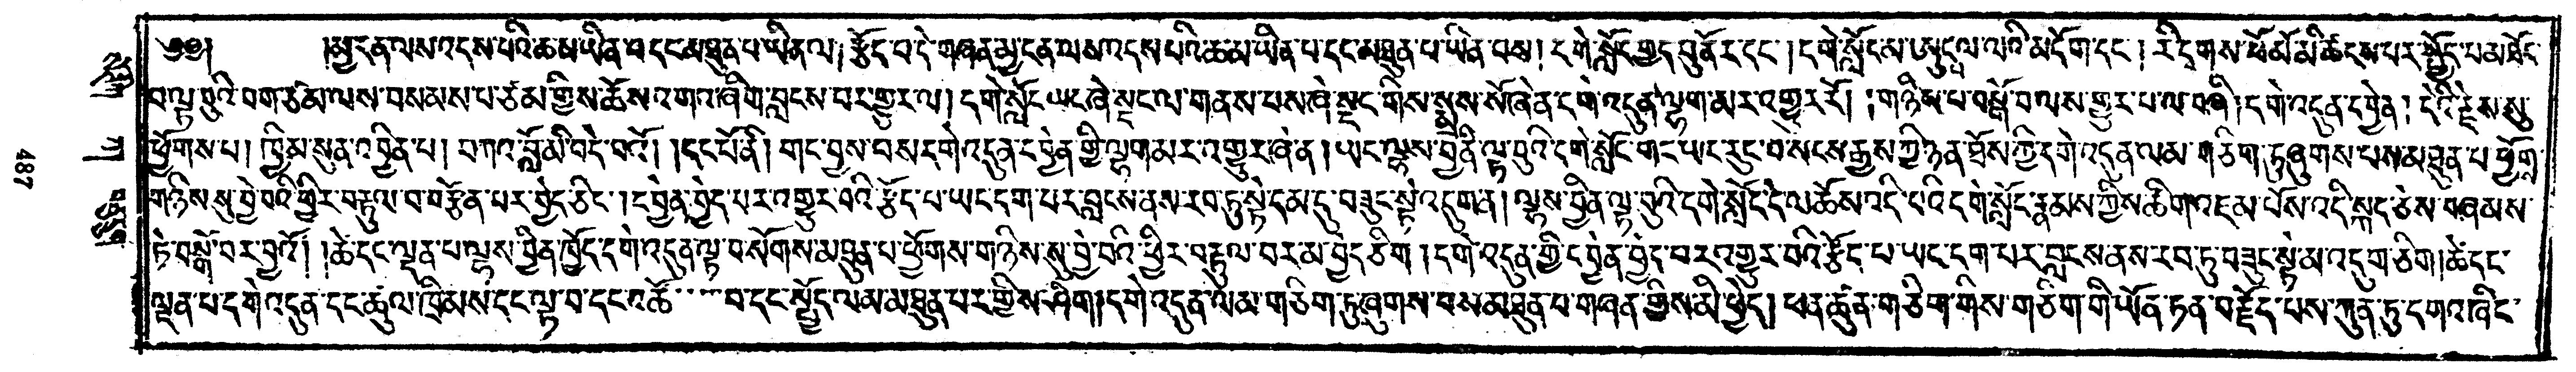༄༅། །མྱ་ངན་ལས་འདས་པའི་ཆ་མ་ཡིན་བ་དང་མཐུན་པ་ཡིན་ལ། རྩོད་བ་དེ་གཞན་མྱ་ངན་ལས་འདས་པའི་ཆ་མ་ཡིན་པ་དང་མཐུན་པ་ཡིན་པས། དགེ་སློང་གྱད་བུ་ནོར་དང་། དགེ་སློང་མ་ཨུདཔལ་ལའི་མདོག་དང་། རི་དྭགས་ཕོ་མོ་མི་ཚངས་པར་སྤྱོད་པ་མཐོང་
བ་ལྟ་བུའི་བག་ཙམ་ལས་བསམས་པ་ཙམ་གྱིས་ཆོས་འགའ་ཞིག་བླངས་བར་གྱུར་ལ། དགེ་སློང་ཡང་ཞེ་སྡང་ལ་གནས་པས་ཞེ་སྡང་གིས་སྨྲས་སོ་ཞེ་ན་དགེ་འདུན་ལྷག་མར་འགྱུར་རོ། །གཉིས་པ་བསྒོ་བ་ལས་གྱུར་པ་ལ་བཞི། དགེ་འདུན་དབྱེན། དེའི་རྗེས་སུ་
ཕྱོགས་པ། ཁྱིམ་སུན་འབྱིན་པ། བཀའ་བློ་མི་བདེ་བའོ། །དང་པོ་ནི། གང་བྱས་བས་དགེ་འདུན་དབྱེན་གྱི་ལྷག་མར་འགྱུར་ཞེ་ན། ཡང་ལྷས་བྱ་ནི་ལྟ་བུའི་དགེ་སློང་གང་ཡང་རུང་བ་སངས་རྒྱས་ཀྱི་ཉན་ཐོས་ཀྱི་དགེ་འདུན་ལམ་གཅིག་ཏུ་ཞུགས་པས་མཐུན་པ་ཕྱོགས་
གཉིས་སུ་བྱེ་བའི་ཕྱིར་བརྟུལ་བ་བརྩོན་པར་བྱེད་ཅིང་། དབྱེན་བྱེད་པར་འགྱུར་བའི་རྩོད་པ་ཡང་དག་པར་བླངས་ནས་རབ་ཏུ་སྟེ་དམ་དུ་བཟུང་སྟེ་འདུག་ན། ལྷས་བྱིན་ལྟ་བུའི་དགེ་སློང་དེ་ལ་ཆོས་འདི་བའི་དགེ་སློང་རྣམས་ཀྱིས་ཚིག་འཇམ་པོས་འདི་སྐད་ཅེས་བཞམས་
ཏེ་བསྒོ་བར་བྱའོ། །ཚེ་དང་ལྡན་པ་ལྷས་བྱིན་ཁྱོད་དགེ་འདུན་ལྟ་བ་སོགས་མཐུན་པ་ཕྱོགས་གཉིས་སུ་བྱེ་བའི་ཕྱིར་བརྟུལ་བར་མ་བྱེད་ཅིག །དགེ་འདུན་གྱི་དབྱེན་བྱེད་པར་འགྱུར་བའི་རྩོད་པ་ཡང་དག་པར་བླངས་ནས་རབ་ཏུ་བཟུང་སྟེ་མ་འདུག་ཅིག། ཚེ་དང་
ལྡན་པ་དགེ་འདུན་དང་ཚུལ་ཁྲིམས་དང་ལྟ་བ་དང་འཚོ་བ་དང་སྤྱོད་ལམ་མཐུན་པར་གྱིས་ཤིག། དགེ་འདུན་ལམ་གཅིག་ཏུ་ཞུགས་བས་མཐུན་པ་གཞན་གྱིས་མི་ཕྱེད། ཕན་ཚུན་གཅིག་གིས་གཅིག་གི་ཡོན་ཏན་བརྗོད་པས་ཀུན་ཏུ་དགའ་ཞིང་